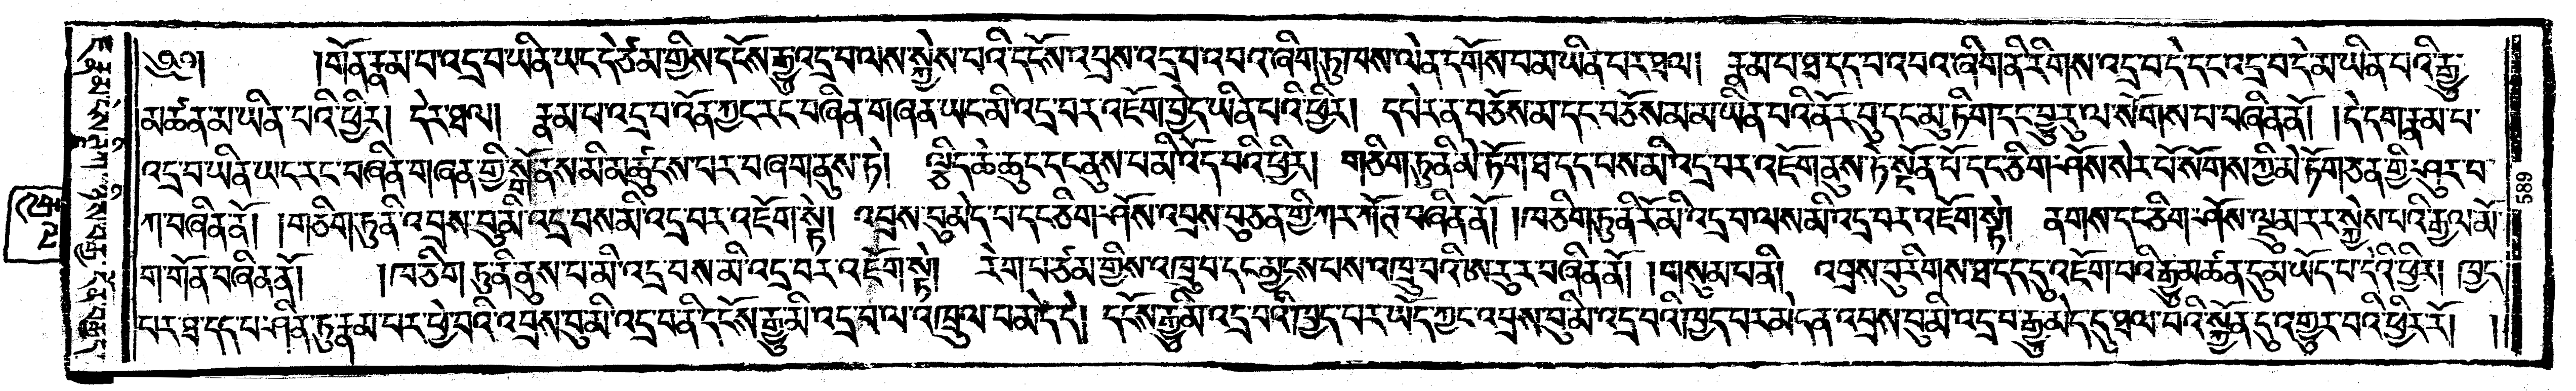༄༅། །གོན་རྣམ་པ་འདྲ་བ་ཡིན་ཡང་དེ་ཙམ་གྱིས་དངོས་རྒྱུ་འདྲ་བ་ལས་སྐྱེས་པའི་དངོས་འབྲས་འདྲ་བ་འབའ་ཞིག་ཏུ་ཁས་ལེན་དགོས་པ་མ་ཡིན་པར་ཐལ། རྣམ་པ་ཐ་དད་པ་འབའ་ཞིག་ནི་རིགས་འདྲ་བ་དེ་དང་འདྲ་བ་དེ་མ་ཡིན་པའི་རྒྱུ་
མཚན་མ་ཡིན་པའི་ཕྱིར། དེར་ཐལ། རྣམ་པ་འདྲ་བ་འོན་ཀྱང་རང་བཞིན་གཞན་ཡང་མི་འདྲ་བར་འཇོག་བྱེད་ཡིན་པའི་ཕྱིར། དཔེར་ན་བཅོས་མ་དང་བཅོས་མ་མ་ཡིན་པའི་ནོར་བུ་དང་མུ་ཏིག་དང་བྱུ་རུ་ལ་སོགས་པ་བཞིན་ནོ། །དེ་དག་རྣམ་པ་
འདྲ་བ་ཡིན་ཡང་རང་བཞིན་གཞན་གྱི་སྒོ་ནས་མི་མཚུངས་པར་བཞག་ནུས་ཏེ། ལྕིད་ཆེ་ཆུང་དང་ནུས་པ་མི་འོད་པའི་ཕྱིར། གཅིག་ཏུ་ནི་མེ་ཏོག་ཐ་དད་པས་མི་འདྲ་བར་འཇོག་ནུས་ཏེ་སྔོན་པོ་དང་ཅིག་ཤོས་སེར་པོ་སོགས་ཀྱི་མེ་ཏོག་ཅན་གྱི་ཤུར་བ་
ཀ་བཞིན་ནོ། །གཅིག་ཏུ་ནི་འབྲས་བུ་མི་འདྲ་བས་མི་འདྲ་བར་འཇོག་སྟེ། འབྲས་བུ་མེད་པ་དང་ཅིག་ཤོས་འབྲས་བུ་ཅན་གྱི་ཀར་ཀོ་ཊ་བཞིན་ནོ། །ཁ་ཅིག་ཏུ་ནི་རོ་མི་འདྲ་བ་ལས་མི་འདྲ་བར་འཇོག་སྟེ། ནགས་དང་ཅིག་ཤོས་ལྡུམ་རར་སྐྱེས་པའི་རྒྱལ་མོ་
ག་གོན་བཞིན་ནོ། །ཁ་ཅིག་ཏུ་ནི་ནུས་པ་མི་འདྲ་བས་མི་འདྲ་བར་འཇོག་སྟེ། རེག་པ་ཙམ་གྱིས་འཁྲུ་བ་དང་མྱངས་པས་འཁྲུ་བའི་ཨ་རུ་ར་བཞིན་ནོ། །གསུམ་པ་ནི། འབྲས་བུ་རིགས་ཐ་དད་དུ་འཇོག་པའི་རྒྱུ་མཚན་དུ་མ་ཡོད་པ་དེའི་ཕྱིར། ཁྱད་
པར་ཐ་དད་པ་ཤིན་ཏུ་རྣམ་པར་ཕྱེ་བའི་འབྲས་བུ་མི་འདྲ་བ་ནི་དངོས་རྒྱུ་མི་འདྲ་བ་ལ་འཁྲུལ་བ་མེད་དེ། དངོས་རྒྱུ་མི་འདྲ་བའི་ཁྱད་པར་ཡོད་ཀྱང་འབྲས་བུ་མི་འདྲ་བའི་ཁྱད་པར་མེད་ན་འབྲས་བུ་མི་འདྲ་བ་རྒྱུ་མེད་དུ་ཐལ་བའི་སྐྱོན་དུ་འགྱུར་བའི་ཕྱིར་རོ། །